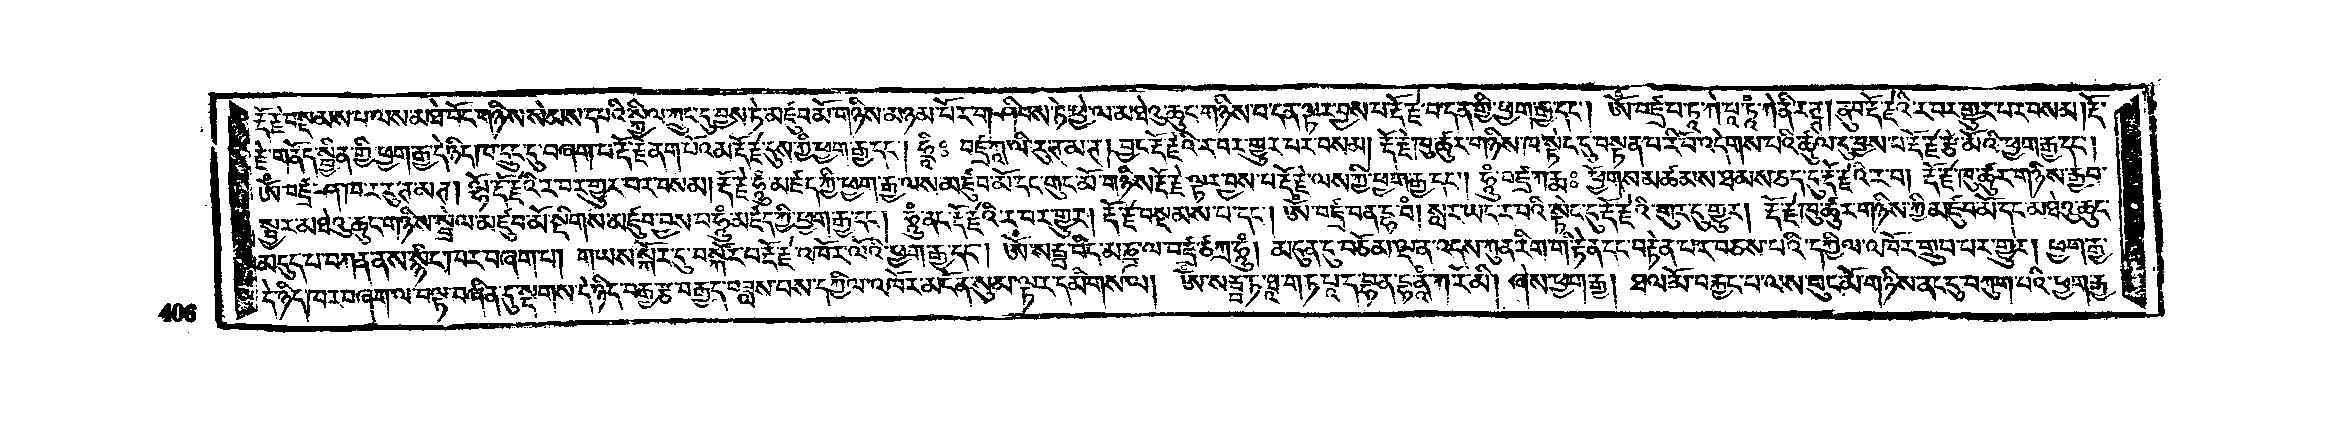རྡོ་རྗེ་བསྡམས་པ་ལས་མཐེ་བོང་གཉིས་སེམས་དཔའི་སྐྱིལ་ཀྲུང་དུ་བྱས་ཏེ་མཛུབ་མོ་གཉིས་མཉམ་པོར་གཤིབས་ཏེ་ཕྱེ་ལ་མཐེའུ་ཆུང་གཉིས་བ་དན་ལྟར་བྱས་པ་རྡོ་རྗེ་བ་དན་གྱི་ཕྱག་རྒྱ་དང་། ཨོཾ་བཛྲ་པ་ཏཱ་ཀེ་པཱ་ཏཱཾ་ཀེ་ནི་རཊྚ། ནུབ་རྡོ་རྗེའི་ར་བར་གྱུར་པར་བསམ། རྡོ་
རྗེ་གནོད་སྦྱིན་གྱི་ཕྱག་རྒྱ་དེ་ཉིད་ཁ་དྲུང་དུ་བཞག་པ་རྡོ་རྗེ་ནག་པའམ་རྡོ་རྗེ་དུས་ཀྱི་ཕྱག་རྒྱ་དང་། ཧྲཱིཿ བཛྲ་ཀཱ་ལི་རུ་ཊ་མ་ཊ། བྱང་རྡོ་རྗེའི་ར་བར་གྱུར་པར་བསམ། རྡོ་རྗེ་ཁུ་ཚུར་གཉིས་ཁ་སྟེང་དུ་བསྟན་པ་རི་བོ་འདེགས་པའི་ཚུལ་དུ་བྱས་པ་རྡོ་རྗེ་རྩེ་མོའི་ཕྱག་རྒྱ་དང་།
ཨོཾ་བཛྲ་ཤ་ཁ་ར་རུ་ཊ་མ་ཊ། ལྷོ་རྡོ་རྗེའི་ར་བར་གྱུར་པར་བསམ། རྡོ་རྗེ་ཧཱུཾ་མཛད་ཀྱི་ཕྱག་རྒྱ་ལས་མཛུབ་མོ་དང་གུང་མོ་གཉིས་རྡོ་རྗེ་ལྟར་བྱས་པ་རྡོ་རྗེ་ལས་ཀྱི་ཕྱག་རྒྱ་དང་། ཧཱུཾ་བཛྲ་ཀརྨཿ ཕྱོགས་མཚམས་ཐམས་ཅད་དུ་རྡོ་རྗེའི་ར་བ། རྡོ་རྗེ་ཁུ་ཚུར་གཉིས་རྒྱབ་
སྦྱར་མཐེའུ་ཆུང་གཉིས་སྦྲེལ་མཛུབ་མེ་སྡིགས་མཛུབ་བྱས་པ་ཧཱུཾ་མཛད་ཀྱི་ཕྱག་རྒྱ་དང་། ཧཱུཾ་ནང་རྡོ་རྗེའི་ར་བར་གྱུར། རྡོ་རྗེ་བསྡམས་པ་དང་། ཨོཾ་བཛྲ་བན་དྷ་བཾ། སླར་ཡང་ར་བའི་སྟེང་དུ་རྡོ་རྗེའི་གུར་དུ་གྱུར། རྡོ་རྗེ་ཁུ་ཚུལར་གཉིས་ཀྱི་མཛུབ་མོ་དང་མཐེའུ་ཆུང་
མདུད་པ་བཀན་ནས་སྙིང་ཁར་བཞག་པ། གཡས་སྐོར་དུ་བསྐོར་བ་རྡོ་རྗེ་འཁོར་ལོའི་ཕྱག་རྒྱ་དང་། ཨོཾ་སརྦྦ་བིད་མཎྜ་ལ་བཛྲ་ཙ་ཀྲ་ཧཱུཾ། མདུན་དུ་བཅོམ་ལྡན་འདས་ཀུན་རིག་གི་རྟེན་དང་བརྟེན་པར་བཅས་པའི་དཀྱིལ་འཁོར་གྲུབ་པར་གྱུར། ཕྱག་རྒྱ་
དེ་ཉིད་ཁར་བཞག་ལ་བལྟ་བཞིན་དུ་སྔགས་དེ་ཉིད་བརྒྱ་རྩ་བརྒྱ་བཟླས་པས་དཀྱིལ་འཁོར་མངོན་སུམ་ལྟར་དམིགས་ལ། ཨོཾ་སརྦྦ་ཏ་ཐཱ་ག་ཏ་པཱ་ད་བྷན་དྷ་ནཱཾ་ཀ་རོ་མི། ཞེས་ཕྱག་རྒྱ། ཐལ་མོ་བརྐྱང་པ་ལས་གུང་མོ་གཉིས་ནང་དུ་བཀུག་པའི་ཕྱག་རྒྱ་